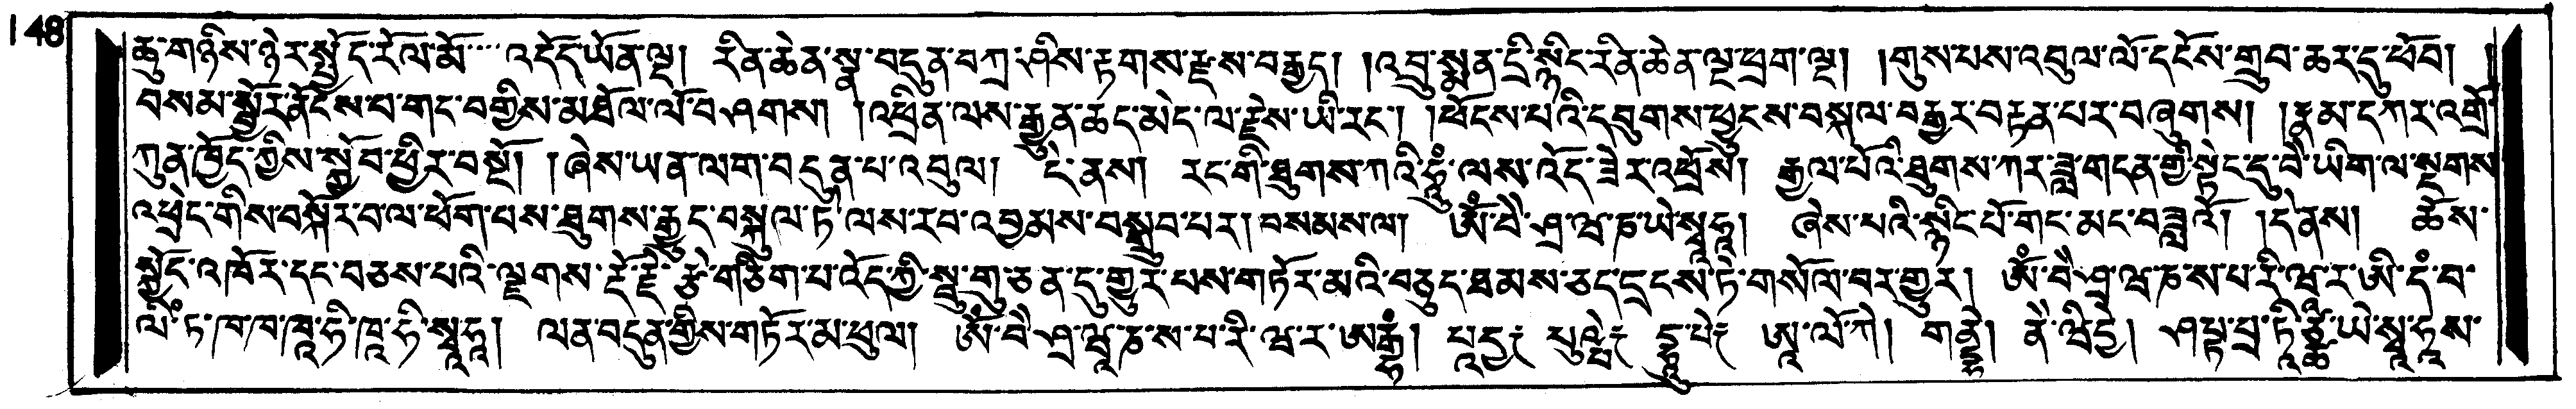ཆུ་གཉིས་ཉེར་སྤྱོད་རོལ་མོ་འདོད་ཡོན་ལྔ། རིན་ཆེན་སྣ་བདུན་བཀྲ་ཤིས་རྟགས་རྫས་བརྒྱད། །འབྲུ་སྨན་དྲི་སྙིང་རིན་ཆེན་ལྔ་ཕྲག་ལྔ། །གུས་པས་འབུལ་ལོ་དངོས་གྲུབ་ཆར་དུ་ཕོབ། །
བསམ་སྦྱོར་ནོངས་པ་གང་བགྱིས་མཐོལ་ལོ་བཤགས། །འཕྲིན་ལས་རྒྱུན་ཆད་མེད་ལ་རྗེས་ཡི་རང་། །ཕོངས་པའི་དབུགས་ཕྱུངས་བསྐལ་བརྒྱར་བརྟན་པར་བཞུགས། །རྣམ་དཀར་འགྲོ་
ཀུན་ཁྱོད་ཀྱིས་སྐྱོབ་ཕྱིར་བསྔོ། །ཞེས་ཡན་ལག་བདུན་པ་འབུལ། དེ་ནས། རང་གི་ཐུགས་ཀའི་ཧཱུཾ་ལས་འོད་ཟེར་འཕྲོས། རྒྱལ་པོའི་ཐུགས་ཀར་ཟླ་གདན་གྱི་སྟེང་དུ་བཻ་ཡིག་ལ་སྔགས་
འཕྲེང་གིས་བསྐོར་བ་ལ་ཕོག་པས་ཐུགས་རྒྱུད་བསྐུལ་ཏེ་ལས་རབ་འབྱམས་བསྒྲུབ་པར། བསམས་ལ། ཨོཾ་བཻ་ཤྲ་ཝ་ཎ་ཡེ་སྭཱ་ཧཱ། ཞེས་པའི་སྙིང་པོ་གང་མང་བཟླའོ། །དེ་ནས། ཆོས་
སྐྱོང་འཁོར་དང་བཅས་པའི་ལྗགས་རྡོ་རྗེ་རྩེ་གཅིག་པ་འོད་ཀྱི་སྦུ་གུ་ཅན་དུ་གྱུར་པས་གཏོར་མའི་བཅུད་ཐམས་ཅད་དྲངས་ཏེ་གསོལ་བར་གྱུར། ཨོཾ་བཻ་ཤྲ་ཝ་ཎ་ས་པ་རི་ཝཱ་ར་ཨི་དཾ་བ་
ལིཾ་ཏ་ཁ་ཁ་ཁཱ་ཧི་ཁཱ་ཧི་སྭཱ་ཧཱ། ལན་བདུན་གྱིས་གཏོར་མ་ཕུལ། ཨོཾ་བཻ་ཤྲ་ཝཱ་ཎ་ས་པ་རི་ཝ་ར་ཨརྒྷཾ། པཱདྱ༑ པུཥྦེཿ དྷཱུ་པེ༑ ཨཱ་ལོ་ཀེ། གནྡྷེ། ནཻ་ཝིདྱེ། ཤཔྟ་པྲ་ཏཱི་ཙྪ་ཡེ་སྭཱ་ཧཱས་